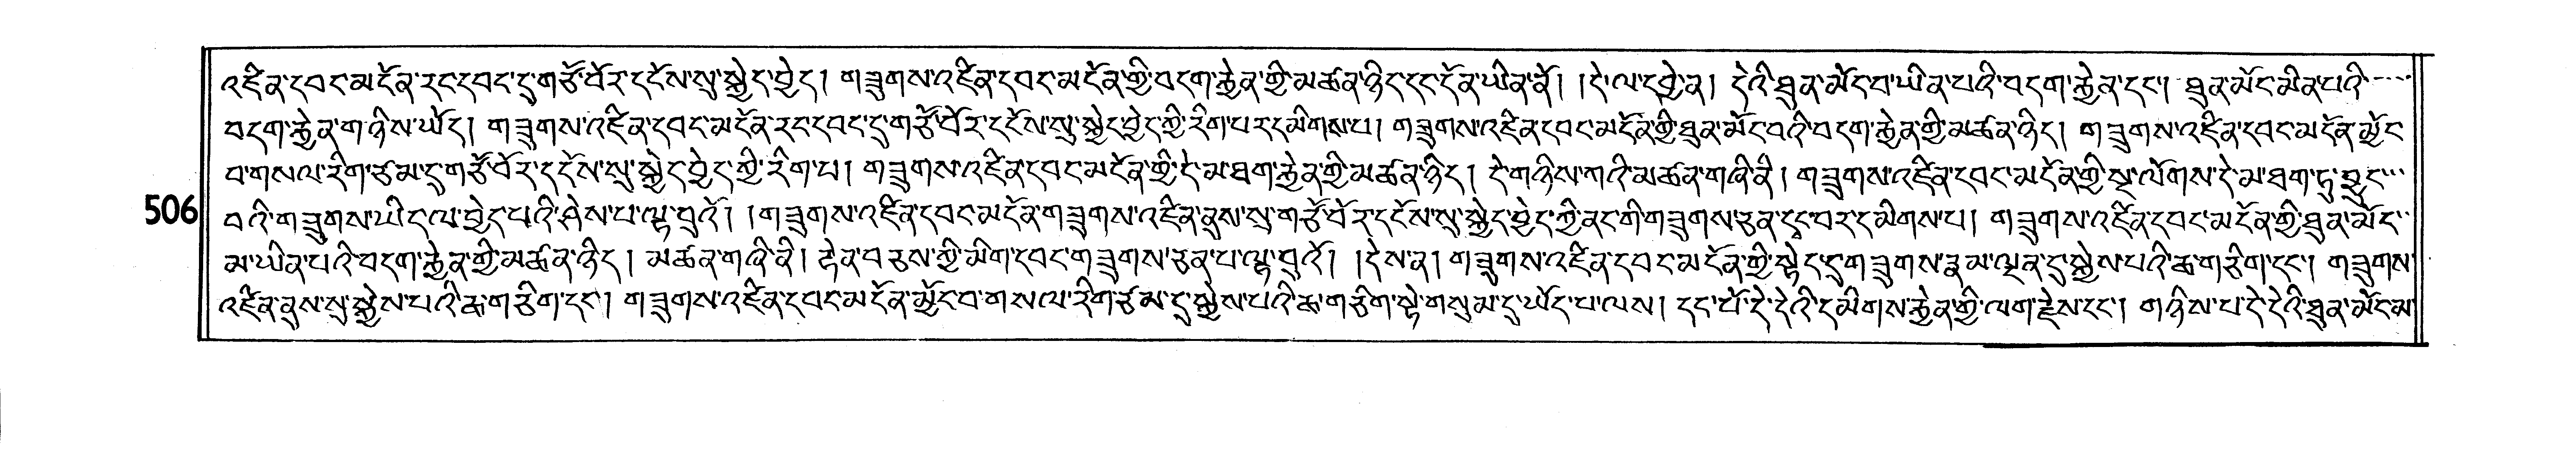འཛིན་དབང་མངོན་རང་དབང་དུ་གཙོ་བོར་དངོས་སུ་སྐྱེད་བྱེད། གཟུགས་འཛིན་དབང་མངོན་གྱི་བདག་རྐྱེན་གྱི་མཚན་ཉིད་དང་དོན་ཡིན་ནོ། །དེ་ལ་དབྱེ་ན། དེའི་ཐུན་མོང་བ་ཡིན་པའི་བདག་རྐྱེན་དང་། ཐུན་མོང་མིན་པའི་
བདག་རྐྱེན་གཉིས་ཡོད། གཟུགས་འཛིན་དབང་མངོན་རང་དབང་དུ་གཙོ་བོར་དངོས་སུ་སྐྱེད་བྱེད་ཀྱི་རིག་པར་དམིགས་པ། གཟུགས་འཛིན་དབང་མངོན་གྱི་ཐུན་མོང་བའི་བདག་རྐྱེན་གྱི་མཚན་ཉིད། གཟུགས་འཛིན་དབང་མངོན་མྱོང་
བ་གསལ་རིག་ཙམ་དུ་གཙོ་བོར་དངོས་སུ་སྐྱེད་བྱེད་ཀྱི་རིག་པ། གཟུགས་འཛིན་དབང་མངོན་གྱི་དེ་མ་ཐག་རྐྱེན་གྱི་མཚན་ཉིད། དེ་གཉིས་ཀའི་མཚན་གཞི་ནི། གཟུགས་འཛིན་དབང་མངོན་གྱི་སྔ་ལོགས་དེ་མ་ཐག་ཏུ་བྱུང་
བའི་གཟུགས་ཡིད་ལ་བྱེད་པའི་ཤེས་པ་ལྟ་བུའོ། །གཟུགས་འཛིན་དབང་མངོན་གཟུགས་འཛིན་ནུས་སུ་གཙོ་བོར་དངོས་སུ་སྐྱེད་བྱེད་ཀྱི་ནང་གི་གཟུགས་ཅན་དྭང་བར་དམིགས་པ། གཟུགས་འཛིན་དབང་མངོན་གྱི་ཐུན་མོང་
མ་ཡིན་པའི་བདག་རྐྱེན་གྱི་མཚན་ཉིད། མཚན་གཞི་ནི། རྟེན་བཅས་ཀྱི་མིག་དབང་གཟུགས་ཅན་པ་ལྟ་བུའོ། །དེས་ན། གཟུགས་འཛིན་དབང་མངོན་གྱི་སྟེང་དུ་གཟུགས་རྣམ་ལྡན་དུ་སྐྱེས་པའི་ཆ་གཅིག་དང་། གཟུགས་
འཛིན་ནུས་སུ་སྐྱེས་པའི་ཆ་གཅིག་དང་། གཟུགས་འཛིན་དབང་མངོན་མྱོང་བ་གསལ་རིག་ཙམ་དུ་སྐྱེས་པའི་ཆ་གཅིག་སྟེ་གསུམ་དུ་ཡོད་པ་ལས། དང་པོ་དེ་དེའི་དམིགས་རྐྱེན་གྱི་ལག་རྗེས་དང་། གཉིས་པ་དེ་དེའི་ཐུན་མོང་མ་